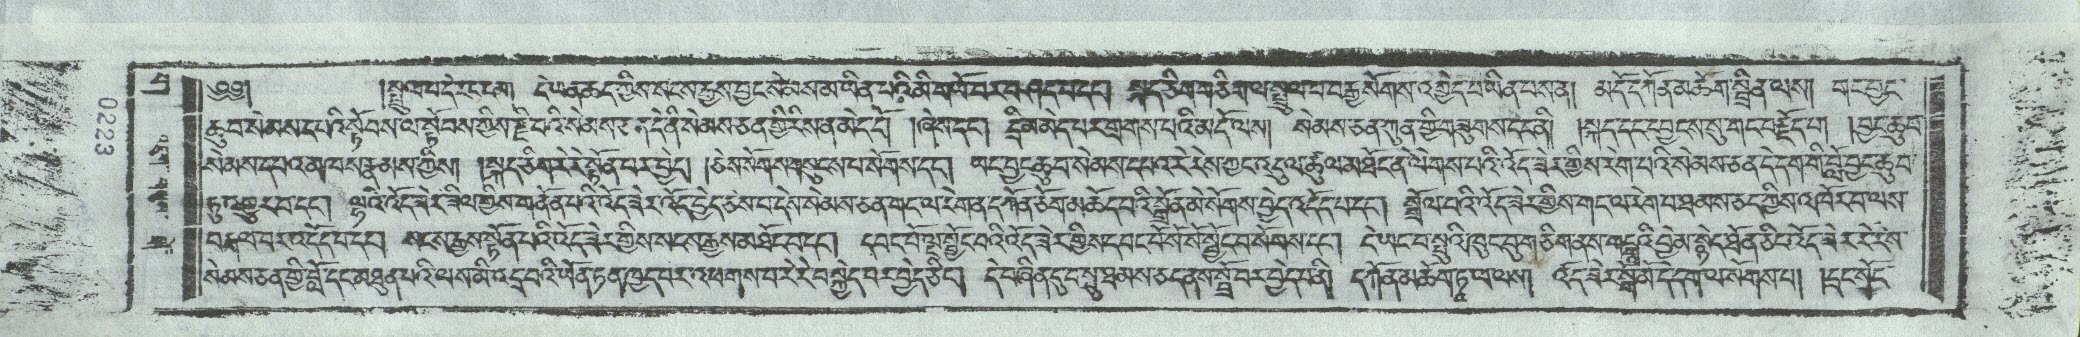༄༅། །སྤྲུལ་བ་དེ་རང་ངམ། དེ་ཡན་ཆད་ཀྱིས་སངས་རྒྱས་བྱང་སེམས་མ་ཡིན་པའི་མི་གཡོ་བར་བཤད་པ་དང་། སྐད་ཅིག་གཅིག་ལ་སྤྲུལ་བ་བརྒྱ་སོགས་འགྱེད་པ་ཡིན་པས་ན། མདོ་དཀོན་མཆོག་སྦྲིན་ལས། གང་བྱང་
ཆུབ་སེམས་དཔའི་སྟོབས་ལ་སྟོབས་ཀྱིས་རྗི?་བའི་སེམས་ཅན་དེ་ནི་སེམས་ཅན་གྱི་རིས་ན་མེད་དོ། །ཞེས་དང་། དྲི་མ་མེད་པར་གྲགས་པའི་མདོ་ལས། སེམས་ཅན་ཀུན་གྱི་གཟུགས་དང་ནི། །སྐད་དང་དབྱངས་སུ་གང་བརྗོད་པ། །བྱང་ཆུབ་
སེམས་དཔའ་མཁས་རྣམས་ཀྱིས། །སྐད་ཅིག་རེ་རེ་སྟོན་པར་བྱེད། །ཅེས་སོགས་གསུངས་པ་སོགས་དང་། ཡང་བྱང་ཆུབ་སེམས་དཔའ་རེ་རེས་ཀྱང་འདུལ་ཚུལ་མཐོང་ན་ལེགས་པའི་འོད་ཟེར་གྱིས་རེག་པའི་སེམས་ཅན་དེ་དག་གི་བློ་བྱང་ཆུབ་
ཏུ་འགྱུར་བ་དང་། ལྷའི་འོད་ཟེར་ཟིལ་གྱིས་གནོན་པའི་འོད་ཟེར་འོད་བྱེད་ཅེས་པ་དེས་སེམས་ཅན་གང་ལ་རེག་ན་དཀོན་ཅོག་མཆོད་པའི་སྒྲོན་མེ་སོགས་བྱེད་འདོད་པ་དང་། སྒྲོལ་བའི་འོད་ཟེར་གྱིས་གང་ལ་རེག་པ་ཐམས་ཅད་ཀྱིས་འཁོར་བ་ལས་
བརྒལ་བར་འདོད་པ་དང་། སངས་རྒྱས་སྟོན་པའི་འོད་ཟེར་གྱིས་སངས་རྒྱས་མཐོང་བ་དང་། དབང་པོ་ལྔ་སྦྱོང་བའི་འོད་ཟེར་གྱིས་དབང་པོ་སོ་སོ་སྦྱོང་བ་སོགས་དང་། དེ་ཡང་བ་སྤུའི་ཁུང་བུ་གཅིག་ནས་གངྒཱའི་བྱེ་མ་སྙེད་ཐོན་ཅིང་འོད་ཟེར་རེ་རེས་
སེམས་ཅན་གྱི་བློ་དང་མཐུན་པའི་ལས་མི་འདྲ་བའི་ཡོན་ཏན་ཁྱད་པར་འཕགས་པ་རེ་རེ་བསྐྱེད་པར་བྱེད་ཅིང་། དེ་བཞིན་དུ་བ་སྤུ་ཐམས་ཅད་ནས་སྤྲོ་བར་བྱེད་པ་ནི། དཀོན་མཆོག་ཏཱ་ལ་ལས། འོད་ཟེར་སྒོམ་དེ་དག་ལ་སོགས་པ། །དྲང་སྲོང་